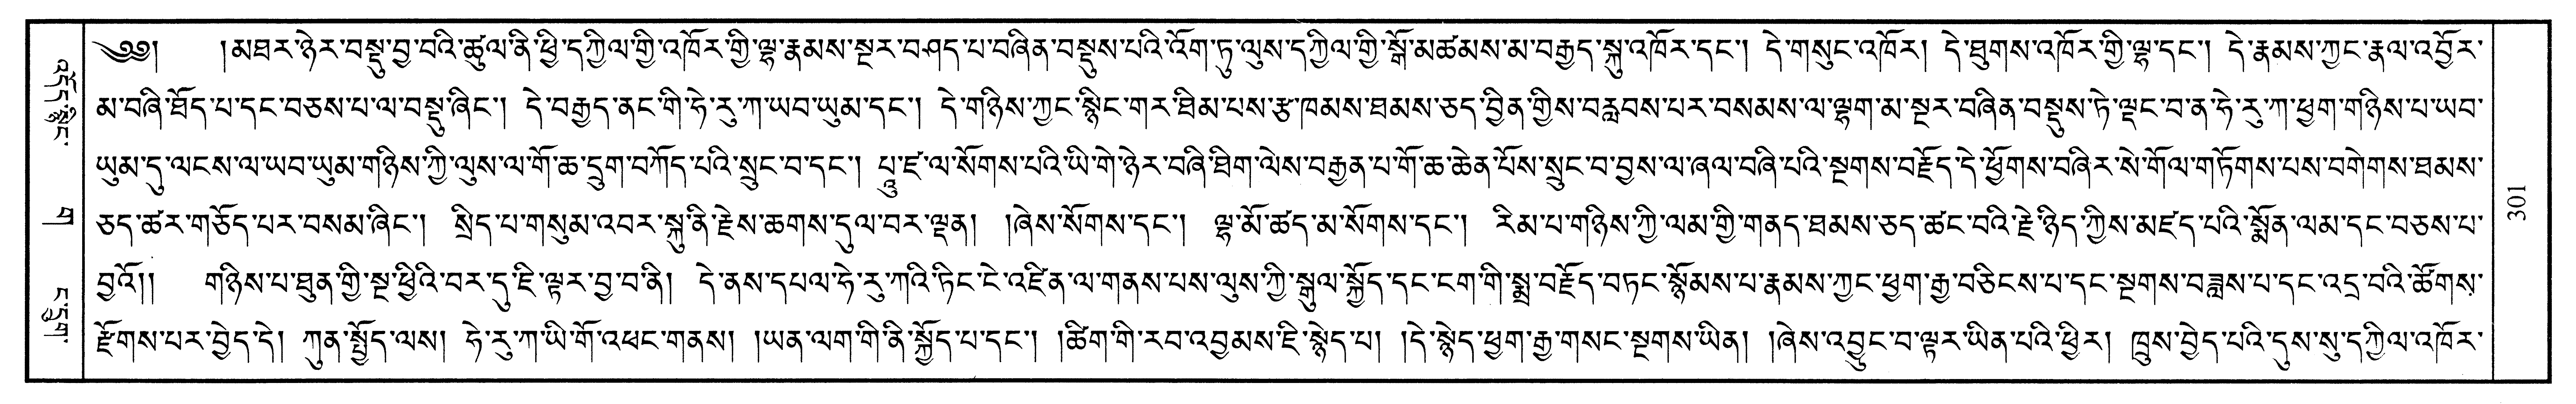༄༅། །མཐར་ཉེར་བསྡུ་བྱ་བའི་ཚུལ་ནི་ཕྱི་དཀྱིལ་གྱི་འཁོར་གྱི་ལྷ་རྣམས་སྔར་བཤད་པ་བཞིན་བསྡུས་པའི་འོག་ཏུ་ལུས་དཀྱིལ་གྱི་སྒོ་མཚམས་མ་བརྒྱད་སྐུ་འཁོར་དང་། དེ་གསུང་འཁོར། དེ་ཐུགས་འཁོར་གྱི་ལྷ་དང་། དེ་རྣམས་ཀྱང་རྣལ་འབྱོར་
མ་བཞི་ཐོད་པ་དང་བཅས་པ་ལ་བསྡུ་ཞིང་། དེ་བརྒྱད་ནང་གི་ཧེ་རུ་ཀ་ཡབ་ཡུམ་དང་། དེ་གཉིས་ཀྱང་སྙིང་གར་ཐིམ་པས་རྩ་ཁམས་ཐམས་ཅད་བྱིན་གྱིས་བརླབས་པར་བསམས་ལ་ལྷག་མ་སྔར་བཞིན་བསྡུས་ཏེ་ལྡང་བ་ན་ཧེ་རུ་ཀ་ཕྱག་གཉིས་པ་ཡབ་
ཡུམ་དུ་ལངས་ལ་ཡབ་ཡུམ་གཉིས་ཀྱི་ལུས་ལ་གོ་ཆ་དྲུག་བཀོད་པའི་སྲུང་བ་དང་། པཱུ་ཛ་ལ་སོགས་པའི་ཡི་གེ་ཉེར་བཞི་ཐིག་ལེས་བརྒྱན་པ་གོ་ཆ་ཆེན་པོས་སྲུང་བ་བྱས་ལ་ཞལ་བཞི་པའི་སྔགས་བརྗོད་དེ་ཕྱོགས་བཞིར་སེ་གོལ་གཏོགས་པས་བགེགས་ཐམས་
ཅད་ཚར་གཅོད་པར་བསམ་ཞིང་། སྲིད་པ་གསུམ་འབར་སྐུ་ནི་རྗེས་ཆགས་དུལ་བར་ལྡན། །ཞེས་སོགས་དང་། ལྷ་མོ་ཚད་མ་སོགས་དང་། རིམ་པ་གཉིས་ཀྱི་ལམ་གྱི་གནད་ཐམས་ཅད་ཚང་བའི་རྗེ་ཉིད་ཀྱིས་མཛད་པའི་སྨོན་ལམ་དང་བཅས་པ་
བྱའོ།། གཉིས་པ་ཐུན་གྱི་སྔ་ཕྱིའི་བར་དུ་ཇི་ལྟར་བྱ་བ་ནི། དེ་ནས་དཔལ་ཧེ་རུ་ཀའི་ཏིང་ངེ་འཛིན་ལ་གནས་པས་ལུས་ཀྱི་སྒུལ་སྐྱོད་དང་ངག་གི་སྨྲ་བརྗོད་བཏང་སྙོམས་པ་རྣམས་ཀྱང་ཕྱག་རྒྱ་བཅིངས་པ་དང་སྔགས་བཟླས་པ་དང་འདྲ་བའི་ཚོགས་
རྫོགས་པར་བྱེད་དེ། ཀུན་སྤྱོད་ལས། ཧེ་རུ་ཀ་ཡི་གོ་འཕང་གནས། །ཡན་ལག་གི་ནི་སྐྱོད་པ་དང་། །ཚིག་གི་རབ་འབྱམས་ཇི་སྙེད་པ། །དེ་སྙེད་ཕྱག་རྒྱ་གསང་སྔགས་ཡིན། །ཞེས་འབྱུང་བ་ལྟར་ཡིན་པའི་ཕྱིར། ཁྲུས་བྱེད་པའི་དུས་སུ་དཀྱིལ་འཁོར་